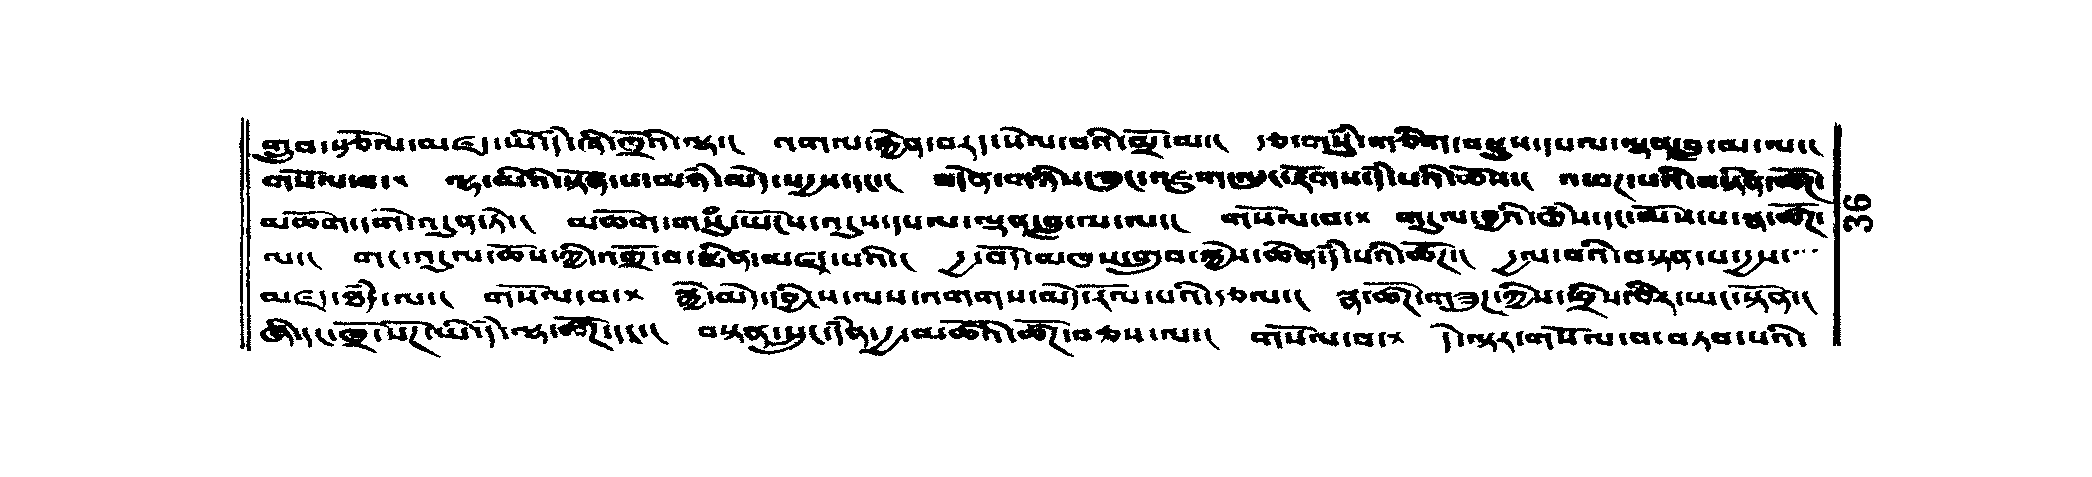གྲུབ་སྩོལ་མཛད་ཡི་དམ་ཞི་ཁྲོའི་ལྷ། །འགལ་རྐྱེན་བར་ཆད་སེལ་བའི་མཁའ་འགྲོ་མ། །རྩ་གསུམ་གཅིག་བསྡུས་དཔལ་ལྡན་བླ་མ་ལ། །
གསོལ་བ༴ །ལྷ་མིའི་སྟོན་པ་མཉམ་མེད་སངས་རྒྱས་དང་། །བདེན་གཉིས་ཟུང་འཇུག་རྟོགས་པ་དམ་པའི་ཆོས། །འཕགས་པའི་བསྟན་འཛིན་ཚོགས་
མཆོག་དགེ་འདུན་ཏེ། །མཆོག་གསུམ་ཡོངས་འདུས་དཔལ་ལྡན་བླ་མ་ལ། །གདུལ་བྱའི་ཁམས་དང་མོས་པ་སྣ་ཚོགས་
ལ། །གང་འདུལ་ཆོས་ཀྱི་འགྲོ་བ་སྨིན་མཛད་པའི། །རྒྱ་བོད་མཁས་གྲུབ་སྐྱེས་ཆེན་དམ་པའི་ཚོགས། །རྒྱལ་བའི་བསྟན་པ་རྒྱས་
མཛད་ཐམས་ཅད་ལ། །གསོལ་བ༴ །སྐྱེ་མེད་དབྱིངས་ལས་འགགས་མེད་རོལ་པའི་རྩལ། །སྣ་ཚོགས་གཟུགས་ཀྱི་ཕྲིན་ལས་ཅིར་ཡང་སྟོན། །
ཞི་དང་ཁྲོ་སོགས་ཡི་དམ་ལྷ་ཚོགས་དང་། །བསྟན་སྲུང་དམ་ཅན་རྒྱ་མཚོའི་ཚོགས་བཅས་ལ། །གསོལ་བ༴ །དེ་ལྟར་གསོལ་བ་བཏབ་པའི་